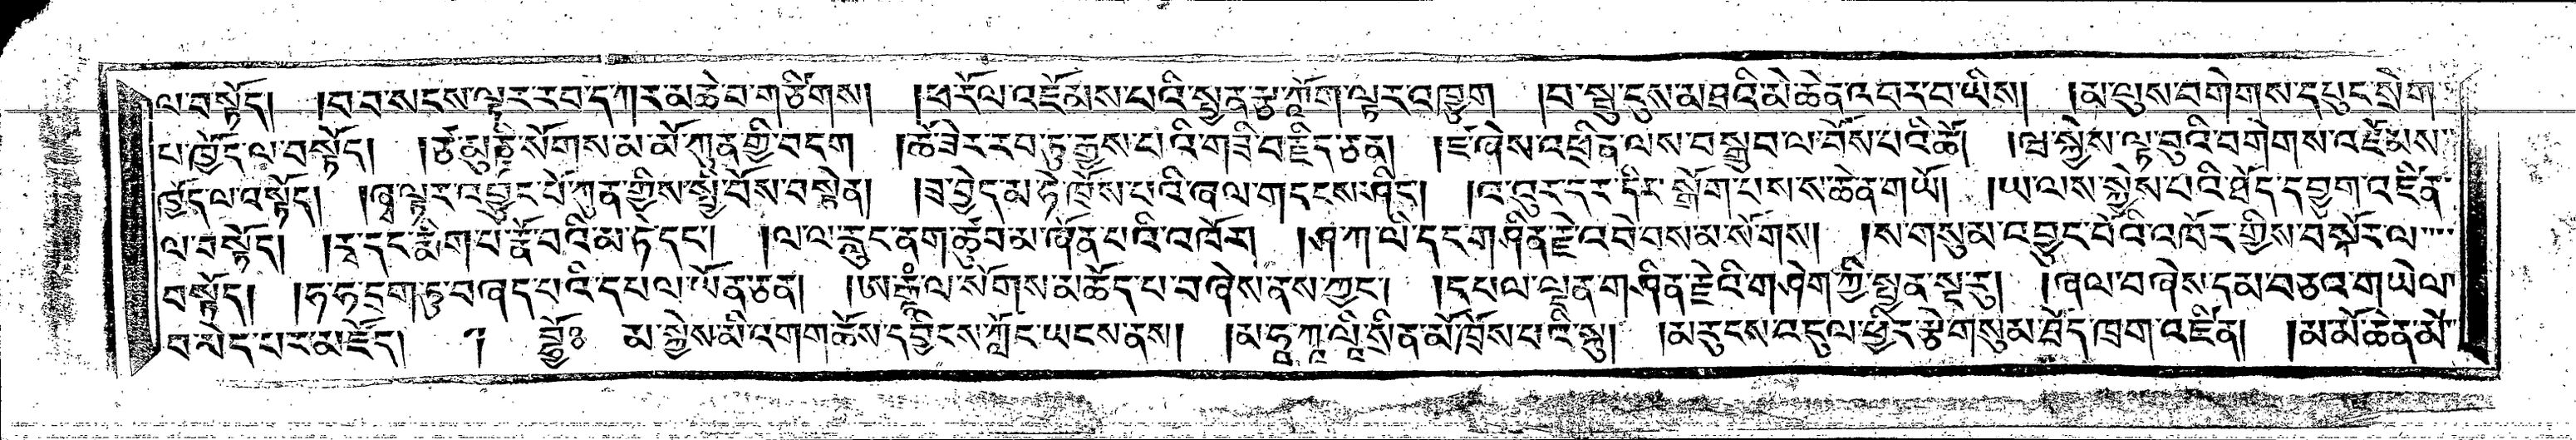ལ་བསྟོད། །བ་བ་སངས་ལྟར་རབ་དཀར་མཆེ་བ་གཙིགས། །ཕ་རོལ་འཇོམས་པའི་སྤྱན་རྩ་ཀློག་ལྟར་འཁྱུག །བ་སྦུ་དུས་མཐའི་མེ་ཆེན་འབར་བ་ཡིས། །མ་ལུས་བགེགས་དཔུང་སྲེག་
པ་ཁྱོད་ལ་བསྟོད། །ཙ་མུཎྜི་སོགས་མ་མོ་ཀུན་གྱི་བདག །ཚེ་ཟེར་རབ་ཏུ་རྒྱས་པའི་གཟི་བརྗིད་ཅན། །ཛ་ཞེས་འཕྲིན་ལས་བསྒྲུབ་ལ་བོས་པའི་ཚེ། །ཝ་སྐྱེས་ལྟ་བུའི་བགེགས་འཇོམས་
ཁྱོད་ལ་བསྟོད། །ཞྭ་ལྟར་འབྱུང་པོ་ཀུན་གྱིས་སྤྱི་བོས་བསྟེན། །ཟ་བྱེད་མ་ཧེ་ཁྲོས་པའི་ཞལ་གདངས་ཤིང་། །འ་འུར་དར་དིར་སྒྲོག་པས་ས་ཆེན་གཡོ། །ཡ་ལས་སྐྱེས་པའི་ཐོད་དབྱུག་འཛིན་
ལ་བསྟོད། །རྭ་དང་རྨིག་པ་རྣོ་བའི་མ་ཧེ་དང་། །ལ་ལ་རླུང་ནག་ཚུབ་མ་ཞོན་པའི་འཁོར། །ཤ་ཀ་ལི་དང་གཤིན་རྗེ་འབེབས་མ་སོགས། །ས་གསུམ་འབྱུང་བོའི་འཁོར་གྱིས་བསྐོར་ལ་
བསྟོད། །ཧ་ཧ་དྲག་ཏུ་བཞད་པའི་དཔལ་ཡོན་ཅན། །ཨརྒྙཾ་ལ་སོགས་མཆོད་པ་བཞེས་ནས་ཀྱང་། །དཔལ་ལྡན་གཤིན་རྗེའི་གཤེག་ཀྱི་སྤྱན་སྔ་རུ། །ཞལ་བཞེས་དམ་བཅའ་གཡེལ་
བ་མེད་པར་མཛོད། ༈ བྷྱོཿ མ་སྐྱེས་མི་འགག་ཆོས་དབྱིངས་ཀློང་ཡངས་ནས། །མ་ཧཱ་ཀཱ་ལཱི་སྲིན་མོ་ཁྲོས་པའི་སྐུ། །མ་རུངས་འདུལ་ཕྱིར་རྩེ་གསུམ་ཐོད་ཁྲག་འཛིན། །མ་མོ་ཆེན་མོ་